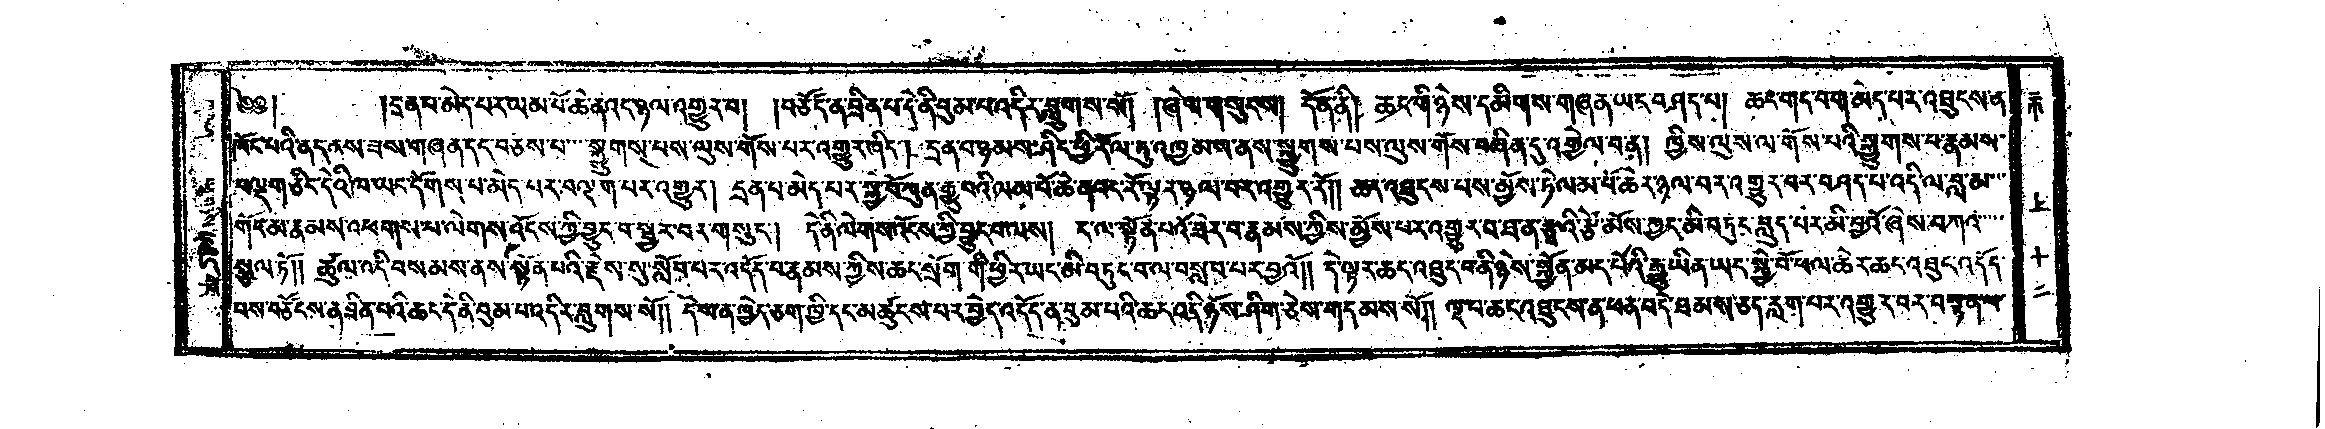༄༅། །དྲན་པ་མེད་པར་ལམ་པོ་ཆེ་ནའང་ཉལ་འགྱུར་བ། །བཙོང་ན་བྲིན་པ་དེ་ནི་བུམ་པ་འདིར་བླུགས་སོ། །ཞེས་གསུངས། དོན་ནི། ཆང་གི་ཉེས་དམིགས་གཞན་ཡང་བཤད་པ། ཆང་གང་བག་མེད་པར་འཐུངས་ན་
ཁོང་པའི་ནང་ནས་ཟས་གཞན་དང་བཅས་པ་སྐྱུགས་པས་ལུས་གོས་པར་འགྱུར་ཞིང་། དྲན་པ་ཉམས་ཤིང་ཕྱི་རོལ་ཏུ་འཁྱམས་ནས་སྐྱུགས་པས་ལུས་གོས་བཞིན་དུ་འགྱེལ་བ་ན། ཁྱིས་ལུས་ལ་གོས་པའི་སྐྱུགས་པ་རྣམས་
བལྡག་ཅིང་དེའི་ཁ་ཡང་དོགས་པ་མེད་པར་བལྡག་པར་འགྱུར། དྲན་པ་མེད་པར་སྐྱེ་བོ་ཀུན་རྒྱུ་བའི་ལམ་པོ་ཆེ་ནའང་རོ་ལྟར་ཉལ་བར་འགྱུར་རོ།། ཆང་འཐུངས་པས་མྱོས་ཏེ་ལམ་པོ་ཆེར་ཉལ་བར་འགྱུར་བར་བཤད་པ་འདི་ལ་བླ་མ་
གོང་མ་རྣམས་འཕགས་པ་ལེགས་འོངས་ཀྱི་བྱུང་བ་སྦྱར་བར་གསུང་། དེ་ནི་ལེགས་འོངས་ཀྱི་བྱུང་བ་ལས། ང་ལ་སྟོན་པའོ་ཟེར་བ་རྣམས་ཀྱིས་མྱོས་པར་འགྱུར་བ་ཐ་ན་རྩྭའི་རྩེ་མོས་ཀྱང་མི་བཏུང་བླུད་པར་མི་བྱའོ་ཞེས་བཀའ་
སྩལ་ཏོ།། ཚུལ་འདི་བསམས་ནས་སྟོན་པའི་རྗེས་སུ་སློབ་པར་འདོད་པ་རྣམས་ཀྱིས་ཆང་སྲོག་གི་ཕྱིར་ཡང་མི་བཏུང་བ་ལ་བསླབ་པར་བྱའོ།། དེ་ལྟར་ཆང་འཐུང་བ་ནི་ཉེས་སྐྱོན་མང་པོའི་རྒྱུ་ཡིན་ཡང་སྐྱེ་བོ་ཕལ་ཆེར་ཆང་འཐུང་འདོད་
བས་བཙོངས་ན་བྲིན་པའི་ཆང་དེ་ནི་བུམ་པ་འདིར་བླུགས་སོ།། དེས་ན་ཁྱེད་ཅག་ཁྱི་དང་མཚུངས་པར་བྱེད་འདོད་ན་བུམ་པའི་ཆང་འདི་ཉོས་ཤིག་ཅེས་གདམས་སོ།། ལྔ་པ་ཆང་འཐུངས་ན་ཕན་བདེ་ཐམས་ཅད་རླག་པར་འགྱུར་བར་བསྟན་པ་